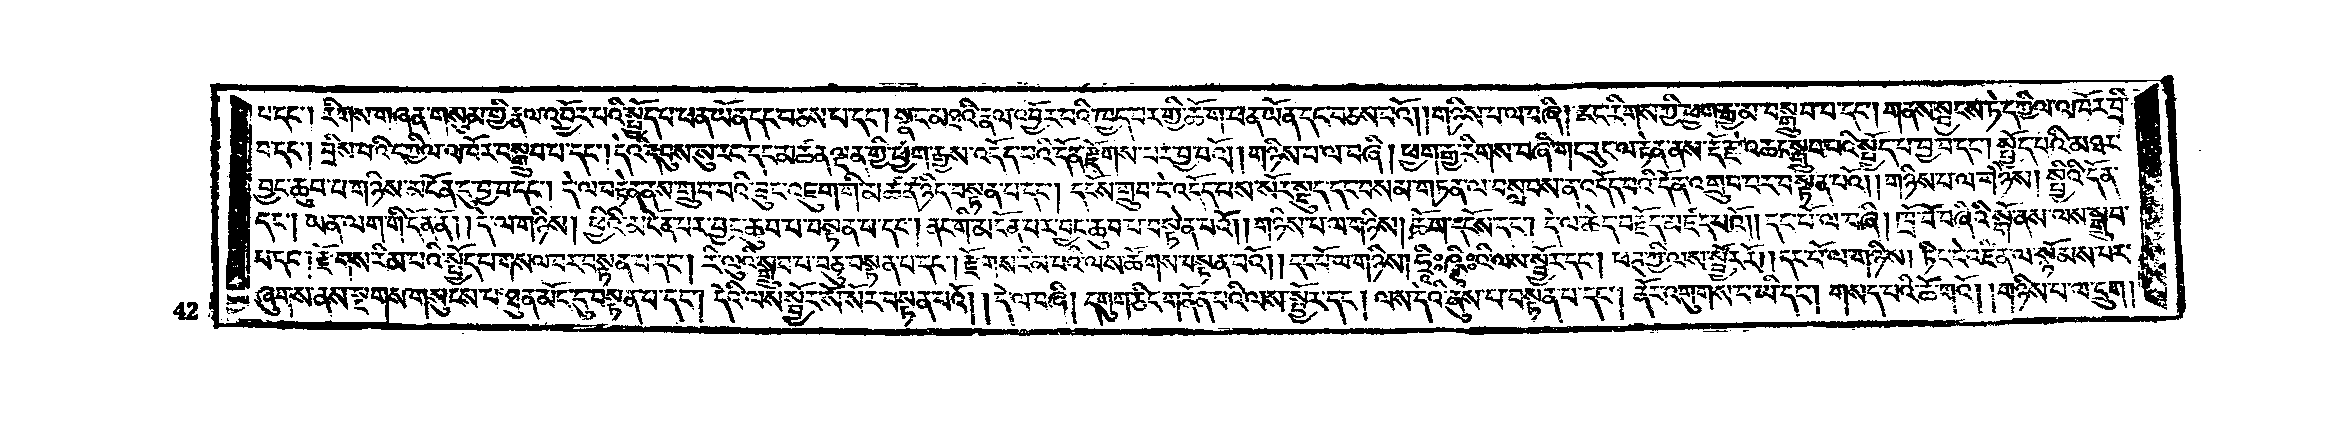པ་དང་། རིགས་གཞན་གསུམ་གྱི་རྣལ་འབྱོར་པའི་སྤྱོད་པ་ཕན་ཡོན་དང་བཅས་པ་དང་། སྣང་མཐའི་རྣལ་འབྱོར་པའི་ཁྱད་པར་གྱི་ཆོ་ག་ཕན་ཡོན་དང་བཅས་པའོ། །གཉིས་པ་ལ་བཞི། རང་རིགས་ཀྱི་ཕྱག་རྒྱ་མ་བསྒྲུབ་པ་དང་། གནས་སྦྱངས་ཏེ་དཀྱིལ་འཁོར་བྲི་
བ་དང་། བྲིས་པའི་དཀྱིལ་འཁོར་བསྒྲུབ་པ་དང་། དེའི་དབུས་སུ་རང་དང་མཚན་ལྡན་གྱི་ཕྱག་རྒྱས་འདོད་པའི་དོན་རྫོགས་པར་བྱ་བའོ། །གཉིས་པ་ལ་བཞི། ཕྱག་རྒྱ་རིགས་བཞི་གང་རུང་ལ་རྟེན་ནས་རྡོ་རྗེ་འཆང་སྒྲུབ་པའི་སྤྱོད་པ་བྱ་བ་དང་། སྤྱོད་པའི་མཐར་
བྱང་ཆུབ་པ་གཉིས་མངོན་དུ་བྱ་བ་དང་། དེ་ལ་བརྟེན་ནས་གྲུབ་པའི་ཟུང་འཇུག་གི་མཚན་ཉིད་བསྟན་པ་དང་། དངོས་གྲུབ་དེ་འདོད་པས་སོར་སྡུད་དང་བསམ་གཏན་ལ་བསླབས་ན་འདོད་པའི་དོན་འགྲུབ་པར་བསྟན་པའོ། །གཉིས་པ་ལ་གཉིས། སྤྱིའི་དོན་
དང་། ཡན་ལག་གི་དོན་ནོ། །དེ་ལ་གཉིས། ཕྱིའི་མངོན་པར་བྱང་ཆུབ་པ་བསྟན་པ་དང་། ནང་གི་མངོན་པར་བྱང་ཆུབ་པ་བསྟན་པའོ། །གཉིས་པ་ལ་གཉིས། ཆོ་ག་དངོས་དང་། དེ་ལ་ཆེད་བརྗོད་མཛད་པའོ། །དང་པོ་ལ་བཞི། ཁྲོ་བོ་བཞིའི་སྒོ་ནས་ལས་སྒྲུབ་
པ་དང་། རྫོགས་རིམ་པའི་སྤྱོད་པ་གསལ་བར་བསྟན་པ་དང་། རི་ལུའི་སྒྲུབ་པ་བཅུ་བསྟན་པ་དང་། རྫོགས་རིམ་པའི་ལས་ཚོགས་བསྟན་པའོ། །དང་པོ་ལ་གཉིས། ཧྲཱིཿ ཥྚཱིཿའི་ལས་སྦྱོར་དང་། ཕཊ་ཀྱི་ལས་སྦྱོར་རོ། །དང་པོ་ལ་གཉིས། ཏིང་ངེ་འཛིན་ལ་སྙོམས་པར་
ཞུགས་ནས་སྔགས་གསུངས་པ་ཐུན་མོང་དུ་བསྟན་པ་དང་། དེའི་ལས་སྦྱོར་སོ་སོར་བསྟན་པའོ། །དེ་ལ་བཞི། དགུག་ཅིང་གནོན་པའི་ལས་སྦྱོར་དང་། ལས་དེའི་ནུས་པ་བསྟན་པ་དང་། ནོར་འགུགས་པ་ཡི་དང་། གསད་པའི་ཆོ་གའོ། །གཉིས་པ་ལ་དྲུག །